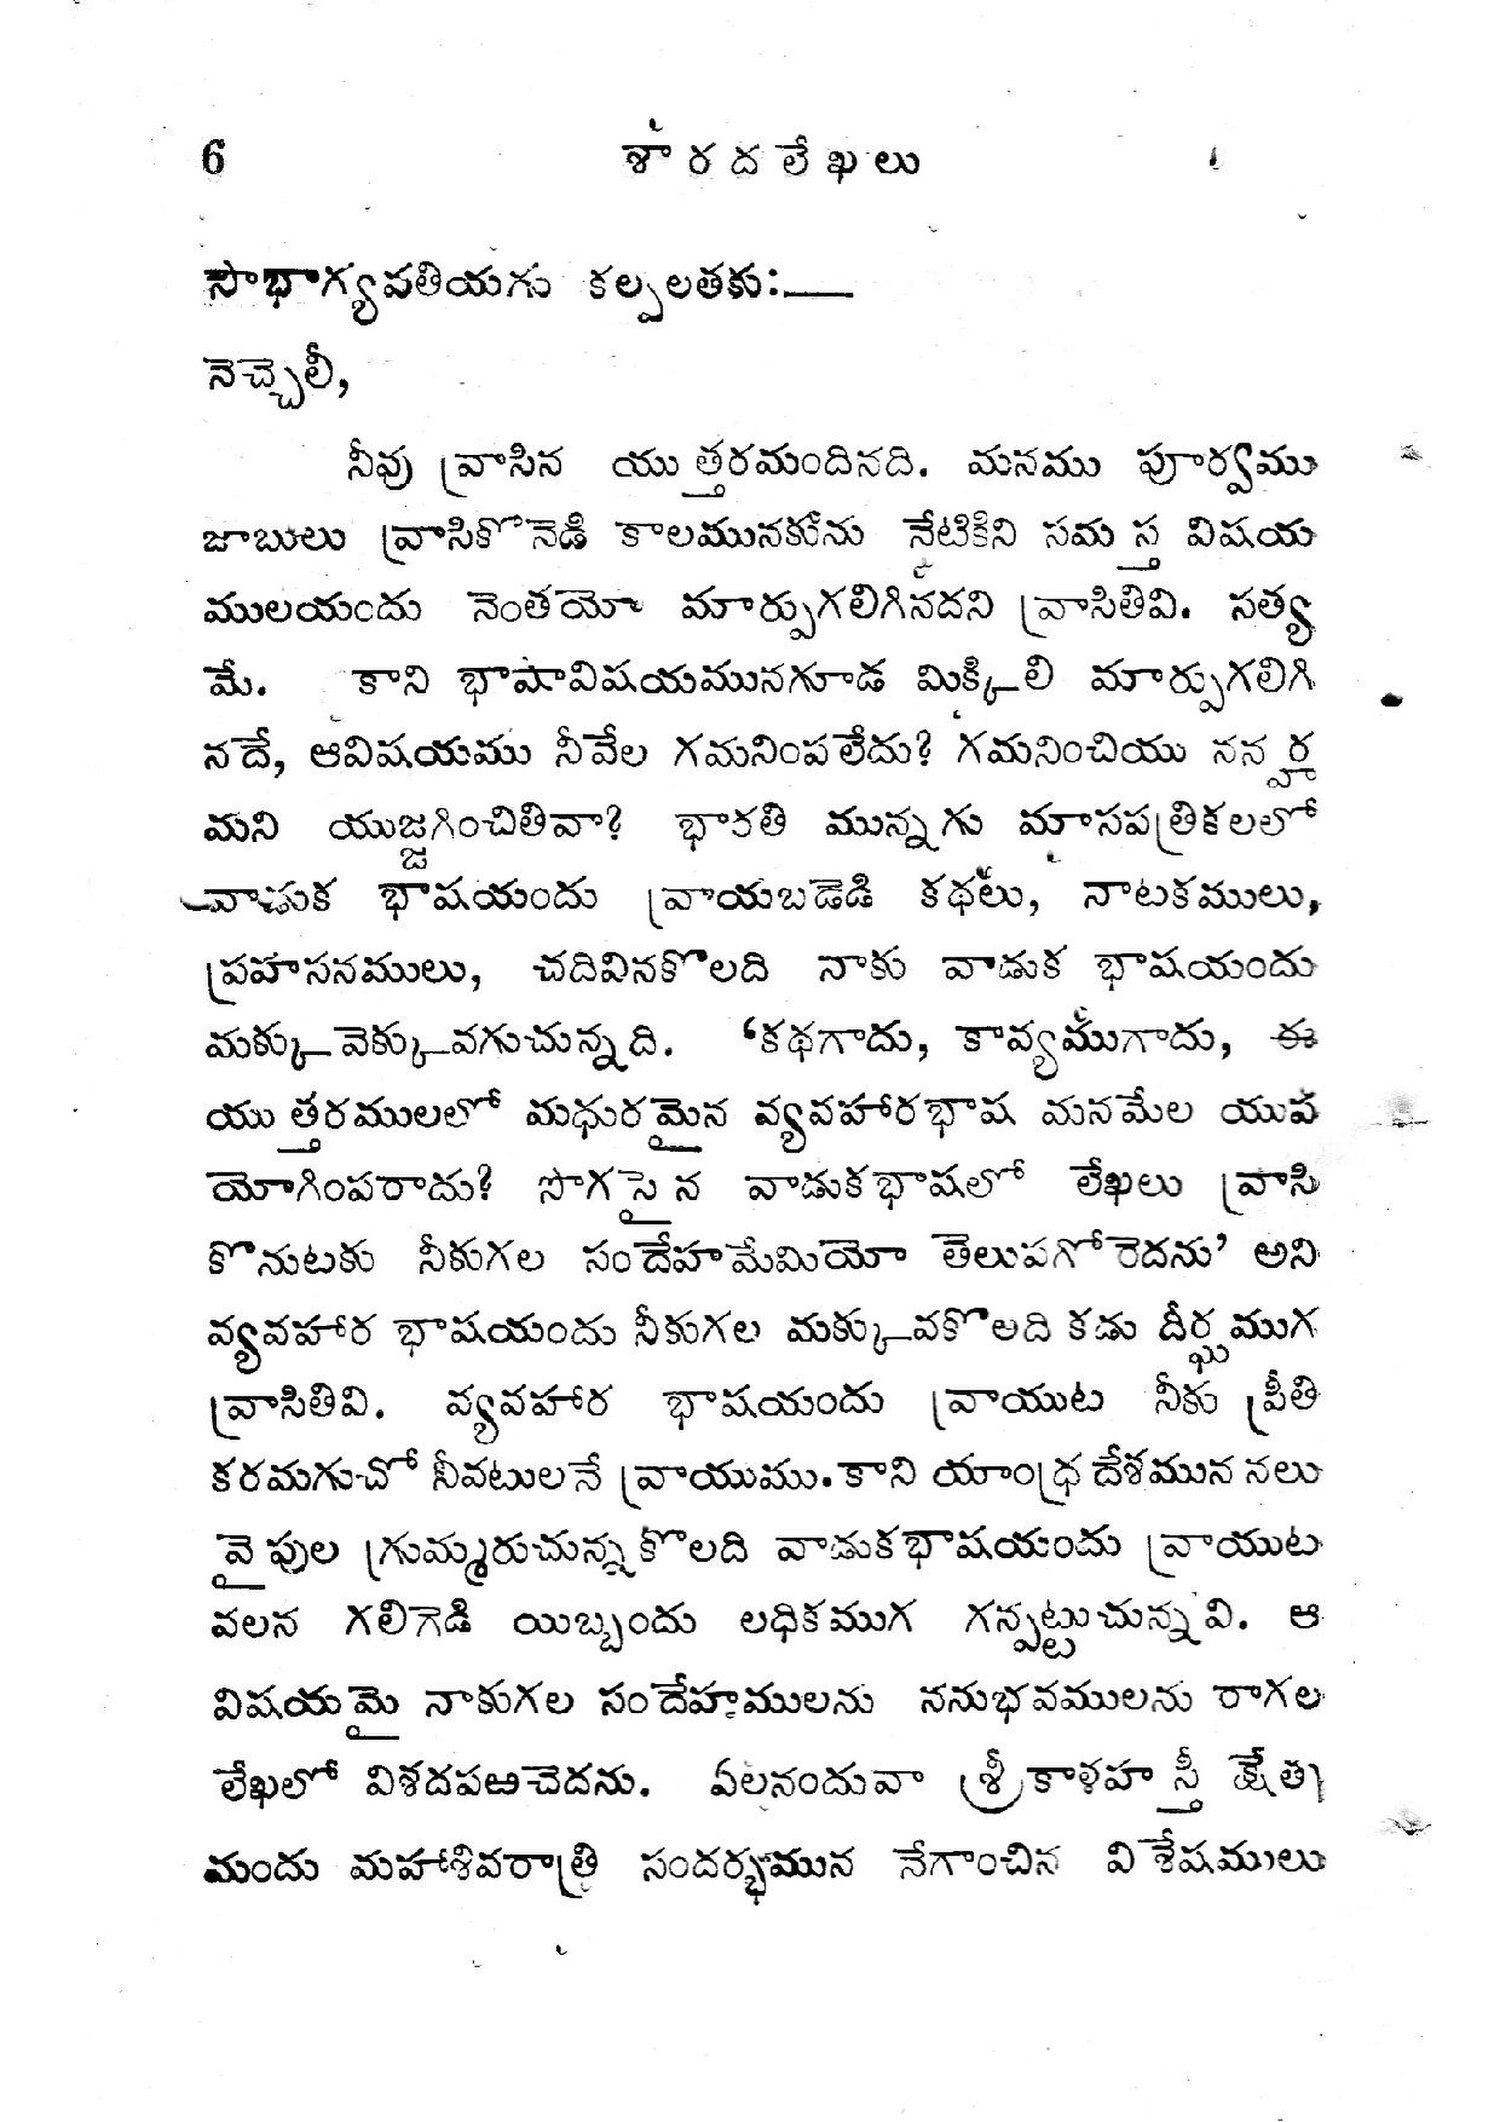సౌభాగ్యవతియగు కల్పలతకు :-

నెచ్చెలీ,

నీవు వ్రాసిన యుత్తరమందినది. మనము పూర్వము జాబులు వ్రాసికొనెడి కాలమునకును నేటికిని సమస్త విషయములయందు నెంతయో మార్పుగలిగినదని వ్రాసితివి. సత్యమే. కాని భాషావిషయమునగూడ మిక్కిలి మార్పుగలిగినదే, ఆవిషయము నీవేల గమనింపలేదు? గమనించియు ననర్హమని యుజ్జగించితివా? భారతి మున్నగు మాసపత్రికలలో వాడుక భాషయందు వ్రాయబడెడి కథలు, నాటకములు, ప్రహసనములు, చదివినకొలది నాకు వాడుక భాషయందు మక్కువెక్కువగుచున్నది. 'కథగాదు, కావ్యముగాదు, ఈ యుత్తరములలో మధురమైన వ్యవహారభాష మనమేల యుపయోగింపరాదు? సొగసైన వాడుకభాషలో లేఖలు వ్రాసికొనుటకు నీకుగల సందేహమేమియో తెలుపగోరెదను' అని వ్యవహార భాషయందు నీకుగల మక్కువకొలది కడు దీర్ఘముగ వ్రాసితివి. వ్యవహార భాషయందు వ్రాయుట నీకు ప్రీతికరమగుచో నీవటులనే వ్రాయుము. కాని యాంధ్రదేశమున నలువైపుల గ్రుమ్మరుచున్నకొలది వాడుకభాషయందు వ్రాయుట వలన గలిగెడి యిబ్బందు లధికముగ గన్పట్టుచున్నవి. ఆ విషయమై నాకుగల సందేహములను ననుభవములను రాగల లేఖలో విశదపఱచెదను. ఏలనందువా శ్రీకాళహస్తీ క్షేత్రమందు మహాశివరాత్రి సందర్భమున నేగాంచిన విశేషములు